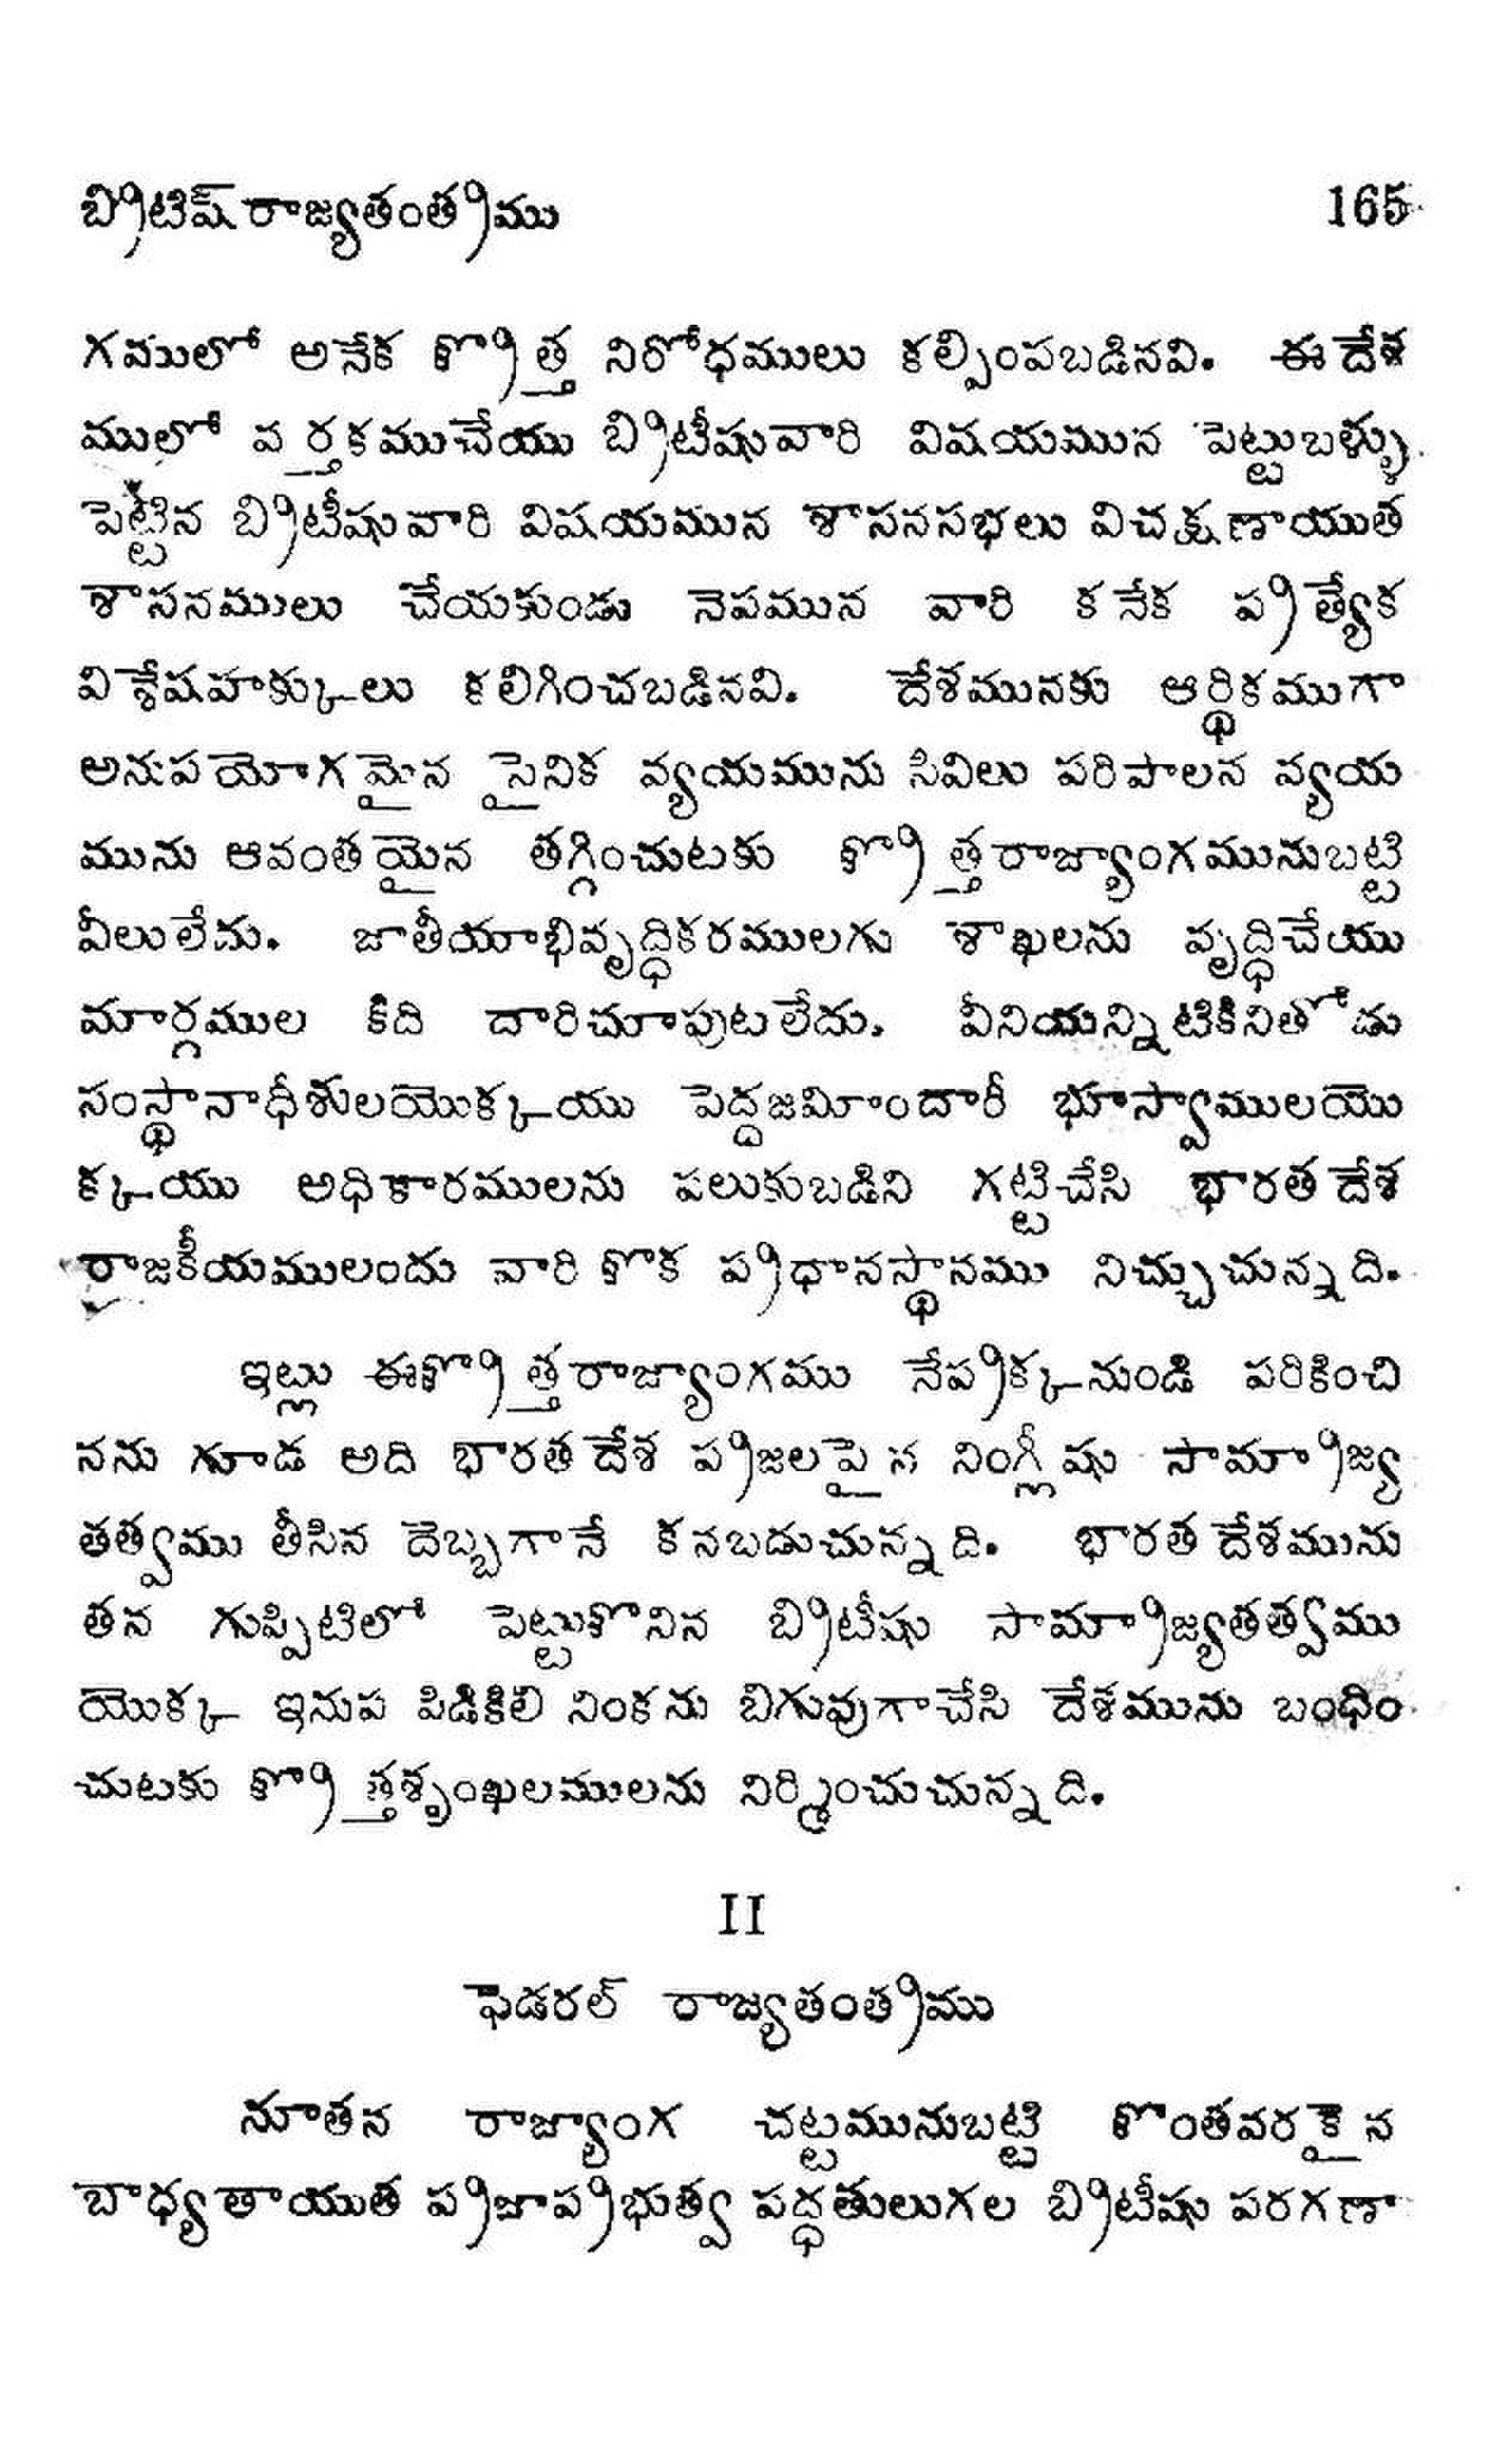గములో అనేక క్రొత్త నిరోధములు కల్పింపబడినవి. ఈదేశములో వర్తకముచేయు బ్రిటీషువారి విషయమున పెట్టుబళ్ళు పెట్టిన బ్రిటీషువారి విషయమున శాసనసభలు విచక్షణాయుత శాసనములు చేయకుండు నెపమున వారి కనేక ప్రత్యేక విశేషహక్కులు కలిగించబడినవి. దేశమునకు ఆర్ధికముగా అనుపయోగమైన సైనిక వ్యయమును సివిలు పరిపాలన వ్యయమును ఆవంతయైన తగ్గించుటకు క్రొత్తరాజ్యాంగమునుబట్టి వీలులేదు. జాతీయాభివృద్ధికరములగు శాఖలను వృద్ధిచేయుమార్గముల కిది దారిచూపుటలేదు. వీనియన్నిటికినితోడు సంస్థానాధీశులయొక్కయు పెద్దజమీందారీ భూస్వాములయొక్కయు అధికారములను పలుకుబడిని గట్టిచేసి భారతదేశ రాజకీయములందు వారికొక ప్రధానస్థానము నిచ్చుచున్నది.

ఇట్లు ఈక్రొత్తరాజ్యాంగము నేపక్కనుండి పరికించినను గూడ అది భారతదేశ ప్రజలపైన నింగ్లీషు సామ్రాజ్యతత్వము తీసిన దెబ్బగానే కనబడుచున్నది. భారతదేశమును తన గుప్పిటిలో పెట్టుకొనిన బ్రిటీషు సామ్రాజ్యతత్వముయొక్క ఇనుప పిడికిలి నింకను బిగువుగాచేసి దేశమును బంధించుటకు క్రొత్తశృంఖలములను నిర్మించుచున్నది.

II
ఫెడరల్ రాజ్యతంత్రము 

నూతన రాజ్యాంగ చట్టమునుబట్టి కొంతవరకైన బాధ్యతాయుత ప్రజాప్రభుత్వ పద్ధతులుగల బ్రిటీషు పరగణా